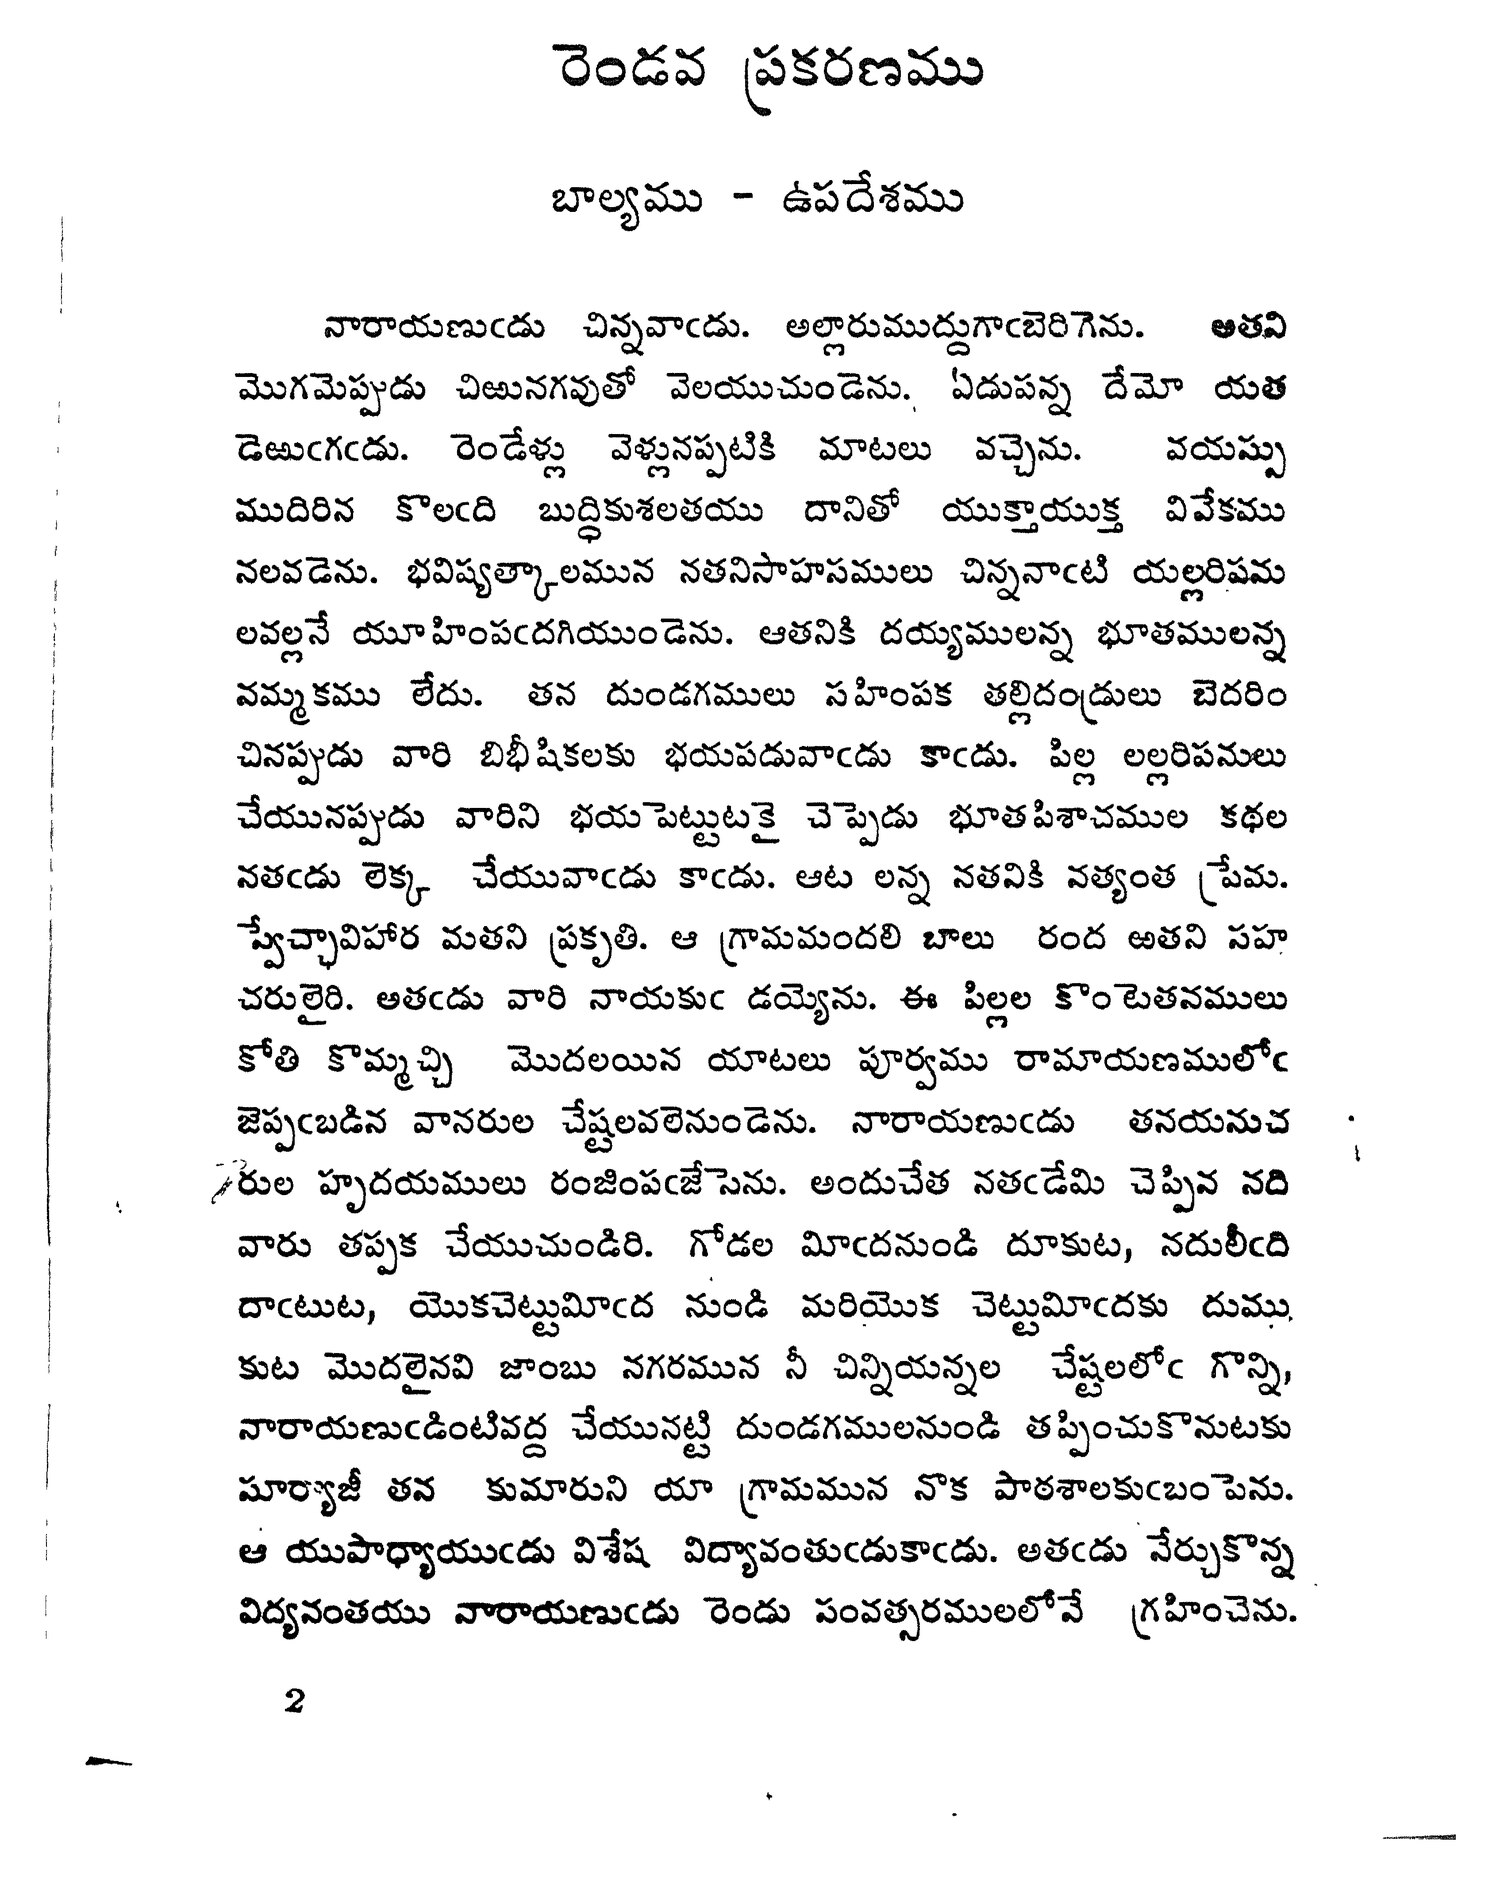నారాయణుడు చిన్నవాఁడు. అల్లారుముద్దుగాఁబెరిగెను. అతని మొగమెప్పుడు చిఱునగవుతో వెలయుచుండెను. ఏడుపన్న దేమో యతడెఱుఁగఁడు. రెండేళ్ళు వెళ్లునప్పటికి మాటలు వచ్చెను. వయస్సు ముదిరిన కొలఁది బుద్ధికుశలతయు దానితో యుక్తాయుక్త వివేకమునలవడెను. భవిష్యత్కాలమున నతనిసాహసములు చిన్ననాఁటి యల్లరిపనులవల్లనే యూహింపఁదగియుండెను. అతనికి దయ్యములన్న భూతములన్న నమ్మకము లేదు. తన దుండగములు సహింపక తల్లిదండ్రులు బెదిరించినప్పుడు వారి బిభీషికలకు భయపడువాఁడు కాఁడు. పిల్లలల్లరిపనులు చేయునప్పుడు వారిని భయపెట్టుటకై చెప్పెడు భూతపిశాచముల కథలనతఁడు లెక్క చేయువాఁడు కాఁడు. ఆటలన్న నతనికి అత్యంత ప్రేమ. స్వేచ్చావిహార మతని ప్రకృతి. ఆ గ్రామమందలి బాలురంద ఱతని సహచరులైరి. అతఁడు వారి నాయకుఁడయ్యెను. ఈ పిల్లల కొంటెతనములు కోతి కొమ్మచ్చి మొదలయిన యాటలు పూర్వము రామాయణములోఁజెప్పఁబడిన బవానరుల చేష్టలవలెనుండెను. నారాయణుడు తనయనుచరుల హృదయములు రంజినంపఁజేసెను. అందుచేత నతఁడేమి చెప్పిననది వారు తప్పక చేయుచుండిరి. గోడల మీఁదనుండి దూకుట, నదులీఁదిదాఁటుట, యొకచెట్టుమీఁద నుండి మరియొక చెట్టుమీఁదకు దుముకుట మొదలైనవి జాంబు నగరమున నీ చిన్నియన్నల చేష్టలలోఁ గొన్ని, నారాయణుఁడింటివద్ద చేయునట్టి దుండగములనుండి తప్పించుకొనుటకు సూర్యాజీ తన కుమారుని యా గ్రామమున నొక పాఠశాలకుఁబంపెను. ఆ యుపాధ్యాయుఁడు విశేష విద్యావంతుఁడుకాడు. అతఁడు నేర్చుకొన్న విద్యనంతయు నారాయణుఁడు రెండు సంవత్సరములలోనే గ్రహించెను.

2